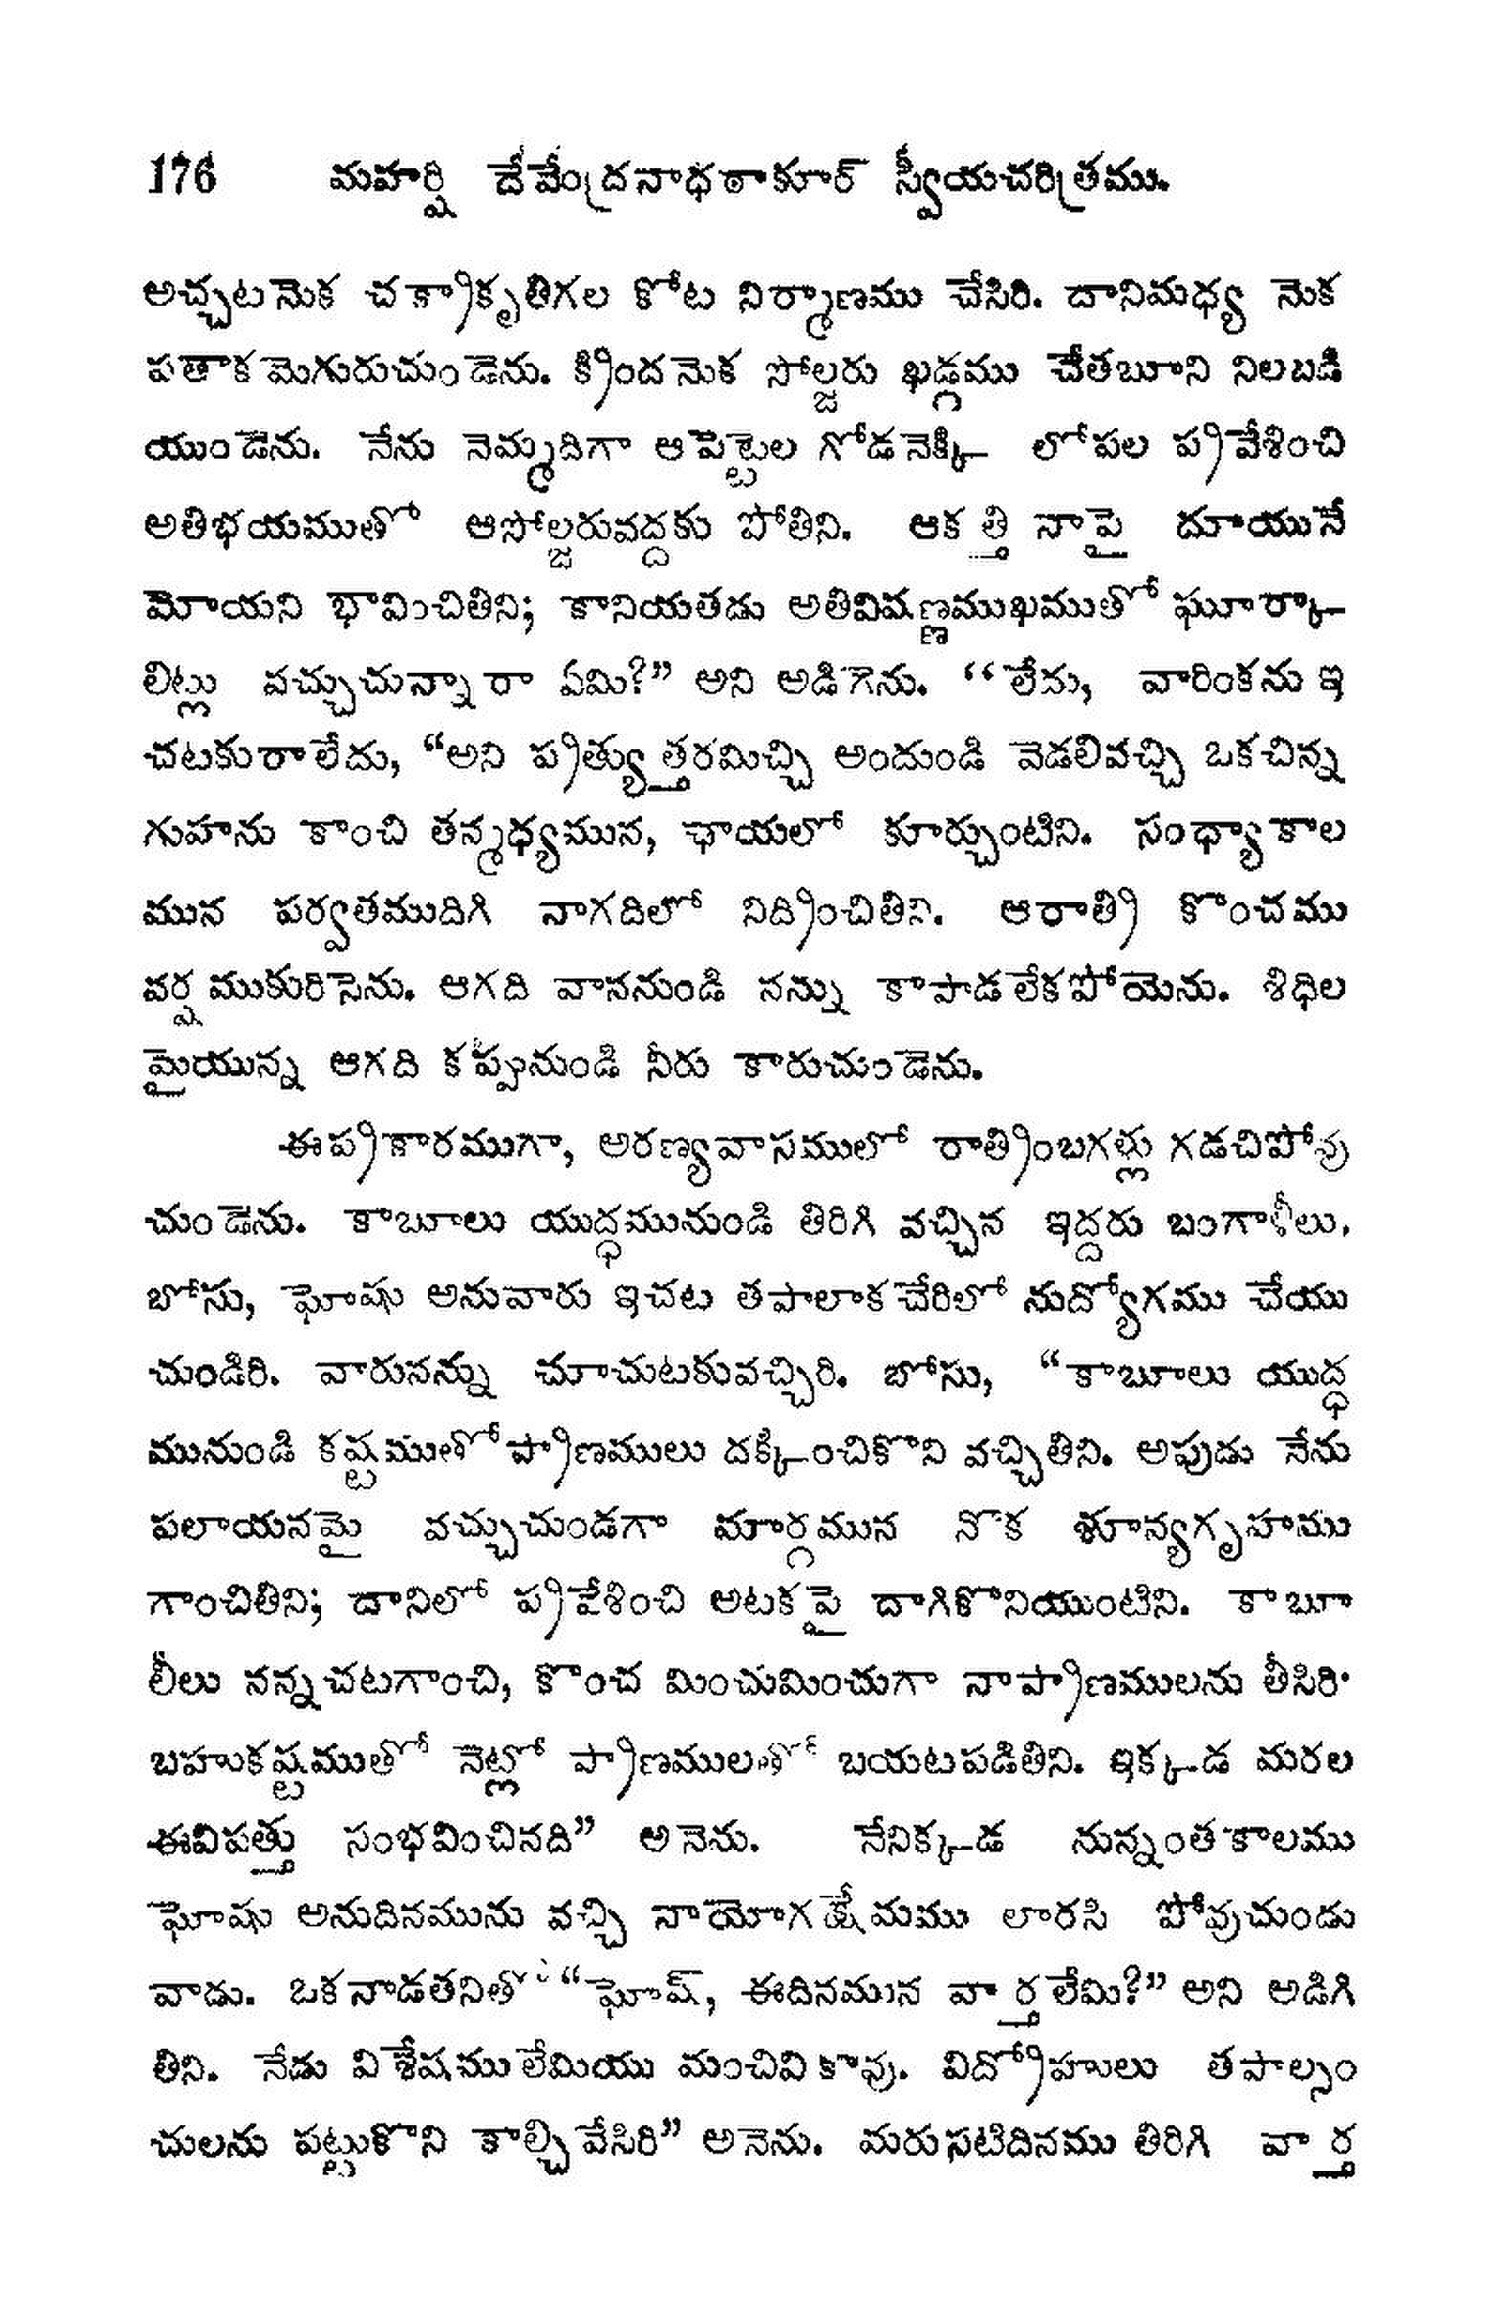అచ్చట ఒక చక్రాకృతిగల కోట నిర్మాణము చేసిరి.
దానిమధ్య పతాక మెగురుచుండెను. క్రింద ఒక సోల్జరు ఖడ్గము చేతబూని 
నిలబడి యుండెను. "నేను నెమ్మదిగా ఆ పెట్టెల గోడ నెక్కి లోపల ప్రవేశించి
అతిభయముతో ఆసోల్జరు వద్దకు పోతిని. ఆకత్తి నాపై దూయునే
మోయని భావించితిని; కానియతడు అతివిషణ్ణముఖముతో ఘర్కా
లిట్లు వచ్చుచున్నారా ఏమి?” అని అడిగెను. " లేదు, వారింకను 
ఇచటకు రాలేదు, “అని ప్రత్యుత్తరమిచ్చి అందుండి వెడలివచ్చి ఒక చిన్న
గుహను కాంచి తన్మధ్యమున, ఛాయలో కూర్చుంటిని. సంధ్యా కాల
మున పర్వతము దిగి నాగదిలో నిద్రించితిని. ఆరాత్రి కొంచము
వర్షము కురిసెను. ఆగది వాననుండి నన్ను కాపాడ లేకపోయెను. శిధిల
మైయున్న ఆగది కప్పునుండి నీరు కారుచుండెను.

ఈ ప్రకారముగా, అరణ్యవాసములో రాతింబగళ్లు గడచి పోవుచుండెను. 
కాబూలు యుద్ధము నుండి తిరిగి వచ్చిన ఇద్దరు బంగాళీలు,
బోసు, 'ఘోషు అనువారు ఇచట తపాలాకచేరిలో నుద్యోగము చేయు
చుండిరి. వారునన్ను చూచుటకువచ్చిరి. బోసు, యుద్ధమునుండి 
కష్టములో ప్రాణములు దక్కించికొని వచ్చితిని. అపుడు నేను
పలాయనమై వచ్చుచుండగా మార్గమున నొక శూన్యగృహము
గాంచితిని; దానిలో ప్రవేశించి అటకపై దాగికొనియుంటిని. కాబూ
లీలు నన్నచటగాంచి, కొంచ మించుమించుగా నాప్రాణములను
తీసిరి * బహుకష్టముతో నెట్లో బయట పడితిని. ఇక్కడ మరల
ఈవిపత్తు సంభవించినది” అనెను. నేనిక్కడ నున్నంత కాలము
ఘోషు అను దినమును వచ్చి నా యోగ క్షేమము లారసి పోవుచుండు
వాడు. ఒక నాడతనితో " " ఘోష్, ఈదినమున వార్తలేమి?” అని అడిగి
తిని. నేడు విశేషము లేమియు మంచివి కావు. విద్రోహులు తపాల్సం
చులను పట్టుకొని కాల్చి వేసిరి” అనెను. మరుసటిదినము తిరిగి వార్త